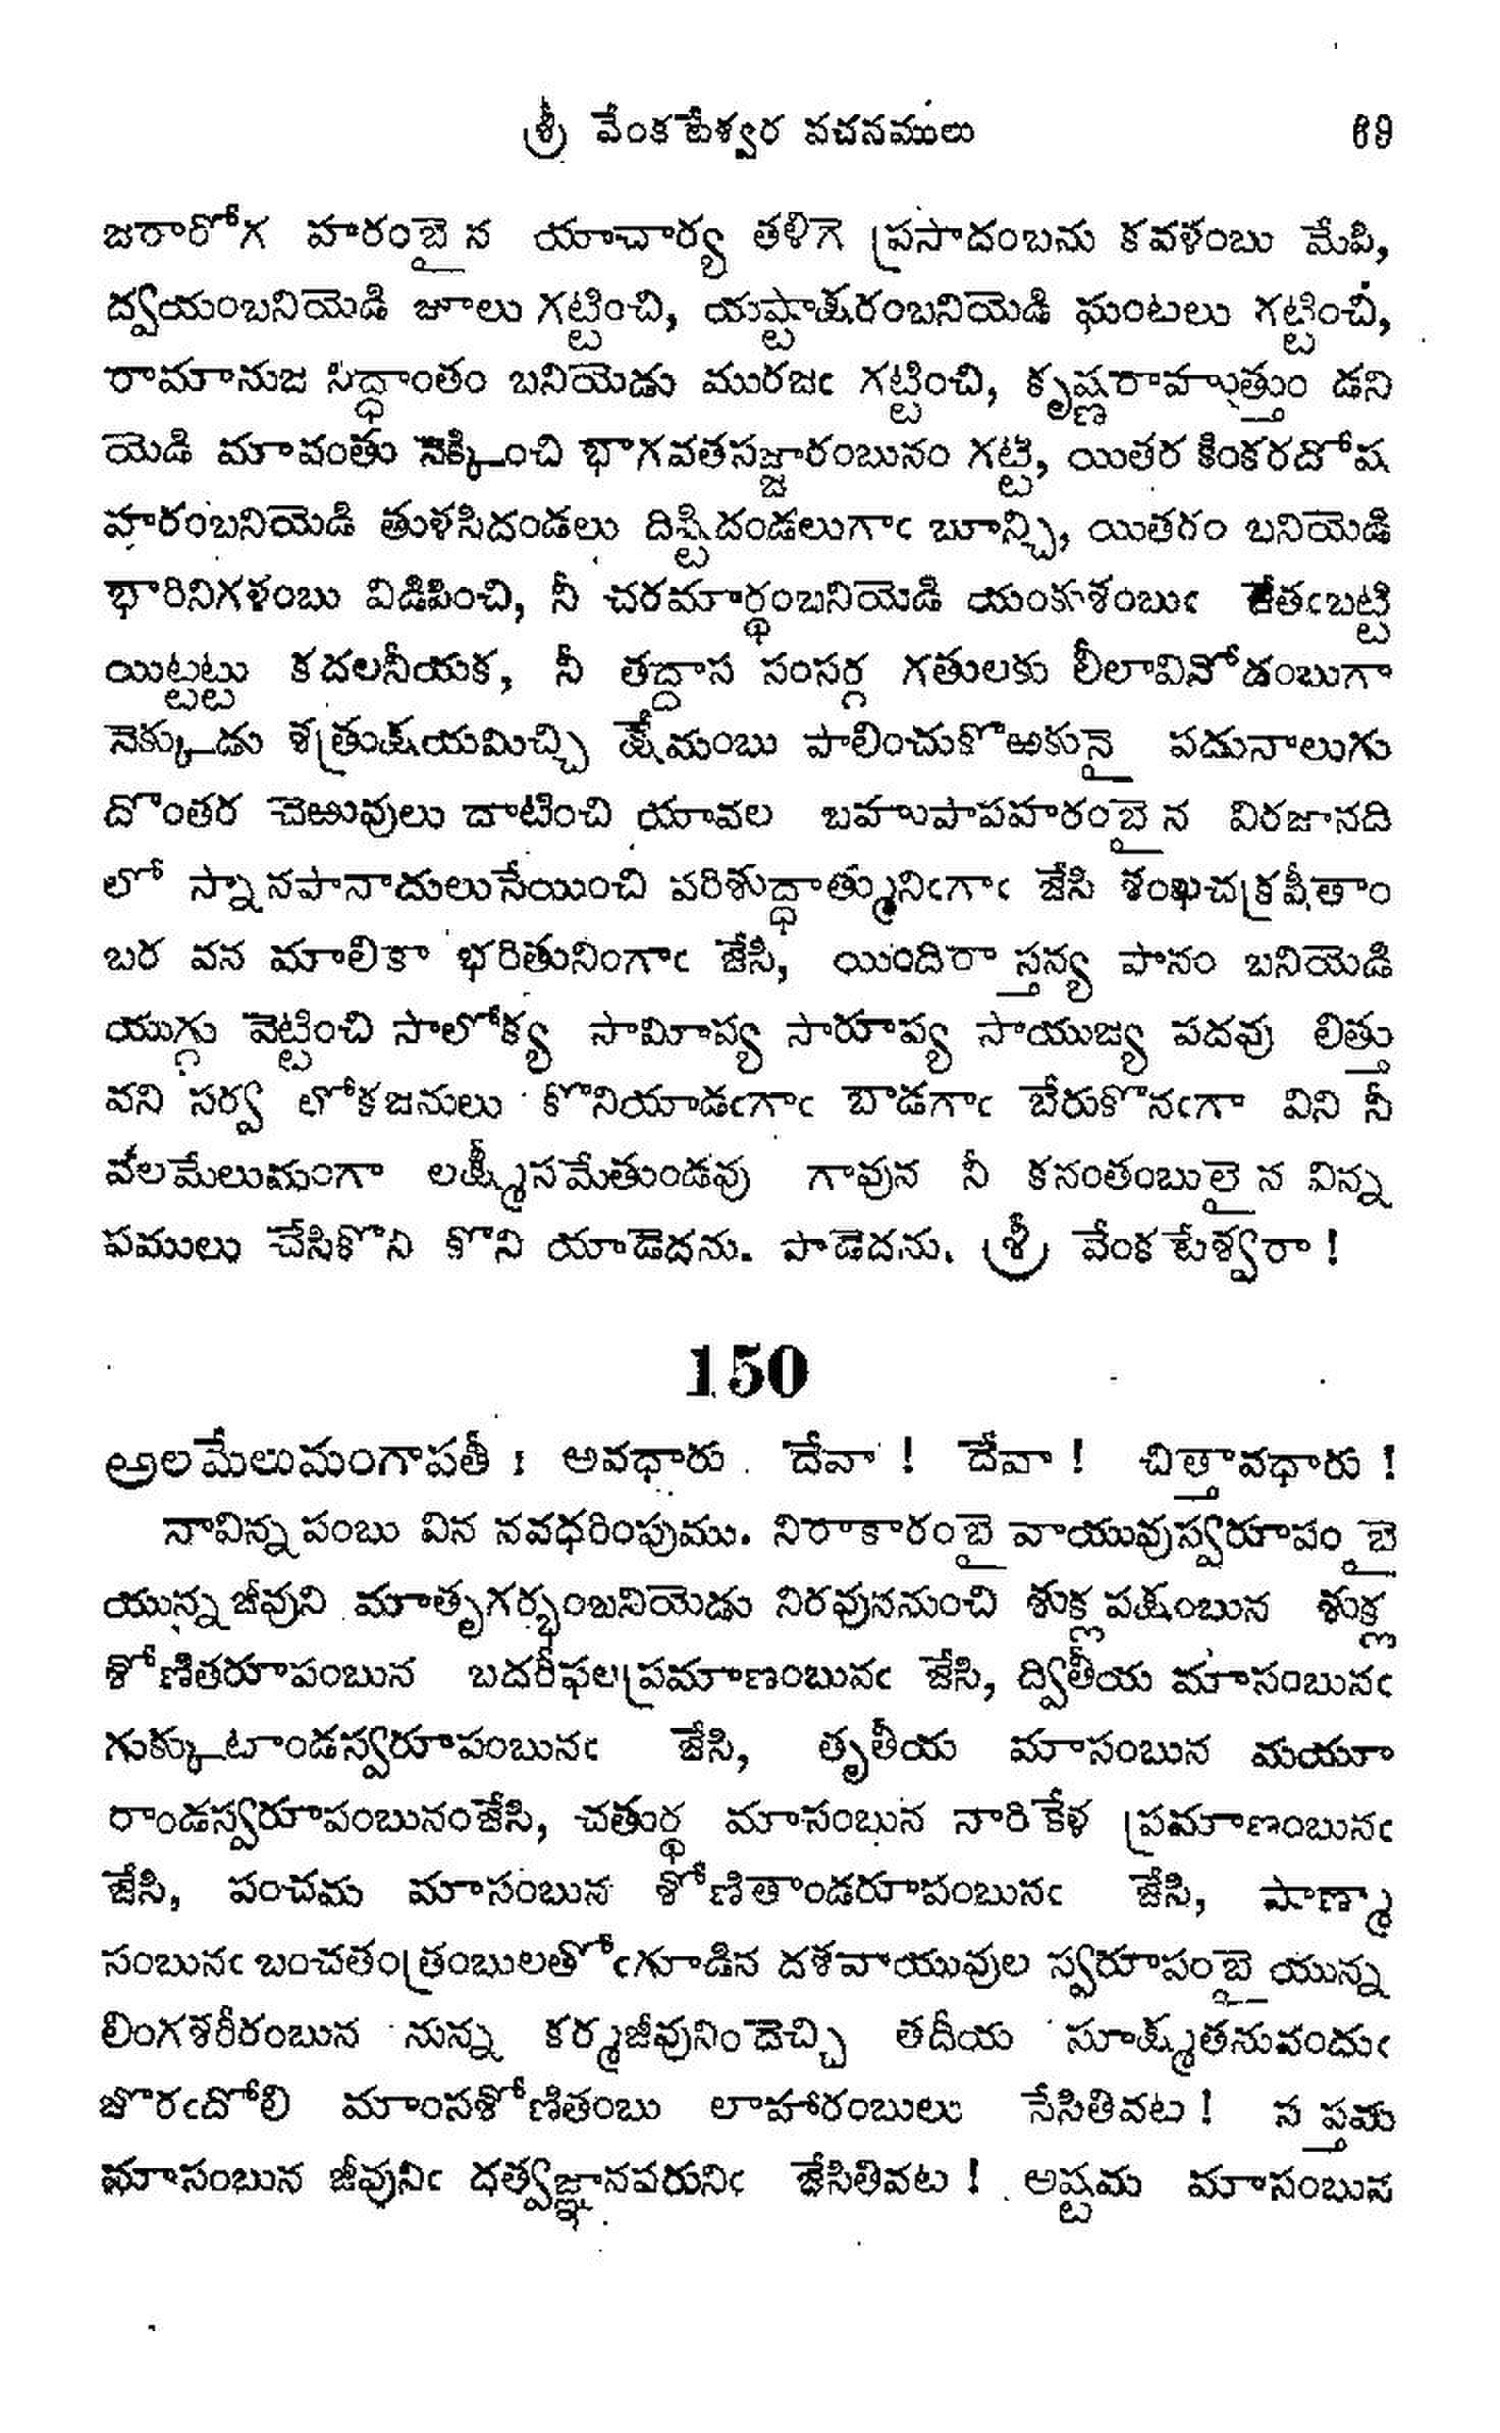జరారోగ హరంబైన యాచార్య తళిగె ప్రసాదంబను కవళంబు మేపి, ద్వయంబనియెడి జూలు గట్టించి, యష్టాక్షరంబనియెడి ఘంటలు గట్టించి, రామానుజ సిద్దాంతం బనియెడు మురజఁ గట్టించి, కృష్ణ రాహుత్తుం డని యెడి మావంతు నొక్కించి భాగవత సజ్జారంబునం గట్టి, యితర కింకరదోష హరంబనియెడి తుళసిదండలు దిష్టి దండలుగాఁ బూన్చి, యితగం బనియెడి భారినిగళంబు విడిపించి, నీ చరమార్దంబనియెడి యంకు శంబుఁ జేతఁబట్టి యిట్టట్టు కదలనీయక, నీ తద్దాస సంసర్గ గతులకు లీలావినోదంబుగా నెక్కుడు శత్రుక్షయమిచ్చి క్షేమంబు పాలించుకొఱకునై పదునాలుగు దొంతర చెఱువులు దాటించి యావల బహుపాపహరంబైన విరజానది లో స్నానపానాదులు సేయించి పరిశుద్దాత్మునిఁగాఁ జేసి శంఖచక్రపీతాం బర వన మాలికా భరితునింగాఁ జేసి, యిందిరా స్తన్య పానం బనియెడి యుగ్గు పెట్టించి సాలోక్య సామీప్య సారూప్య సాయుజ్య పదవు లిత్తు వని సర్వ లోక జనులు కొనియాడగాఁ బాడగాఁ బేరుకొనఁగా విని నీ వలమేలుమంగా లక్ష్మీ సమేతుండవు గావున నీ కనంతంబులైన విన్న ఫములు చేసికొని కొనియాడెదను. పాడెదను. శ్రీ వేంకటేశ్వరా !

150

 ! అవధారు దేవా ! దేవా ! చిత్తావధారు ! నావిన్నపంబు విన నవధరింపుము. నిరాకారంబై వాయువు స్వరూపం బై యున్న జీవుని మాతృగర్భంబనియెడు నిరవుననుంచి శుక్ల పక్షంబున శుక్ల శోణితరూపంబున బదరీఫలప్రమాణంబునఁ జేసి, ద్వితీయ మాసంబునఁ గుక్కుటాండస్వరూపంబునఁ జేసి, తృతీయ మాసంబున మయూ రాండస్వరూపంబునంజేసి, చతుర్ద మాసంబున నారికేళ ప్రమాణంబునఁ జేసి, పంచమ మాసంబున శోణితాండరూపంబునఁ జేసి, పాణ్మా సంబునఁ బంచతంత్రంబులతోఁగూడిన దశవాయువుల స్వరూపం బై యున్న లింగశరీరంబున నున్న కర్మజీవునిం దెచ్చి తదీయ 'సూక్ష్మతనువందుఁ జొరఁదోలి మాంసశోణితంబు లాహారంబులు సేసితివట! సప్తమ మాసంబున జీవునిఁ ధత్వజ్ఞానవరునిఁ జేసితివట ! అష్టమ మాసంబుస